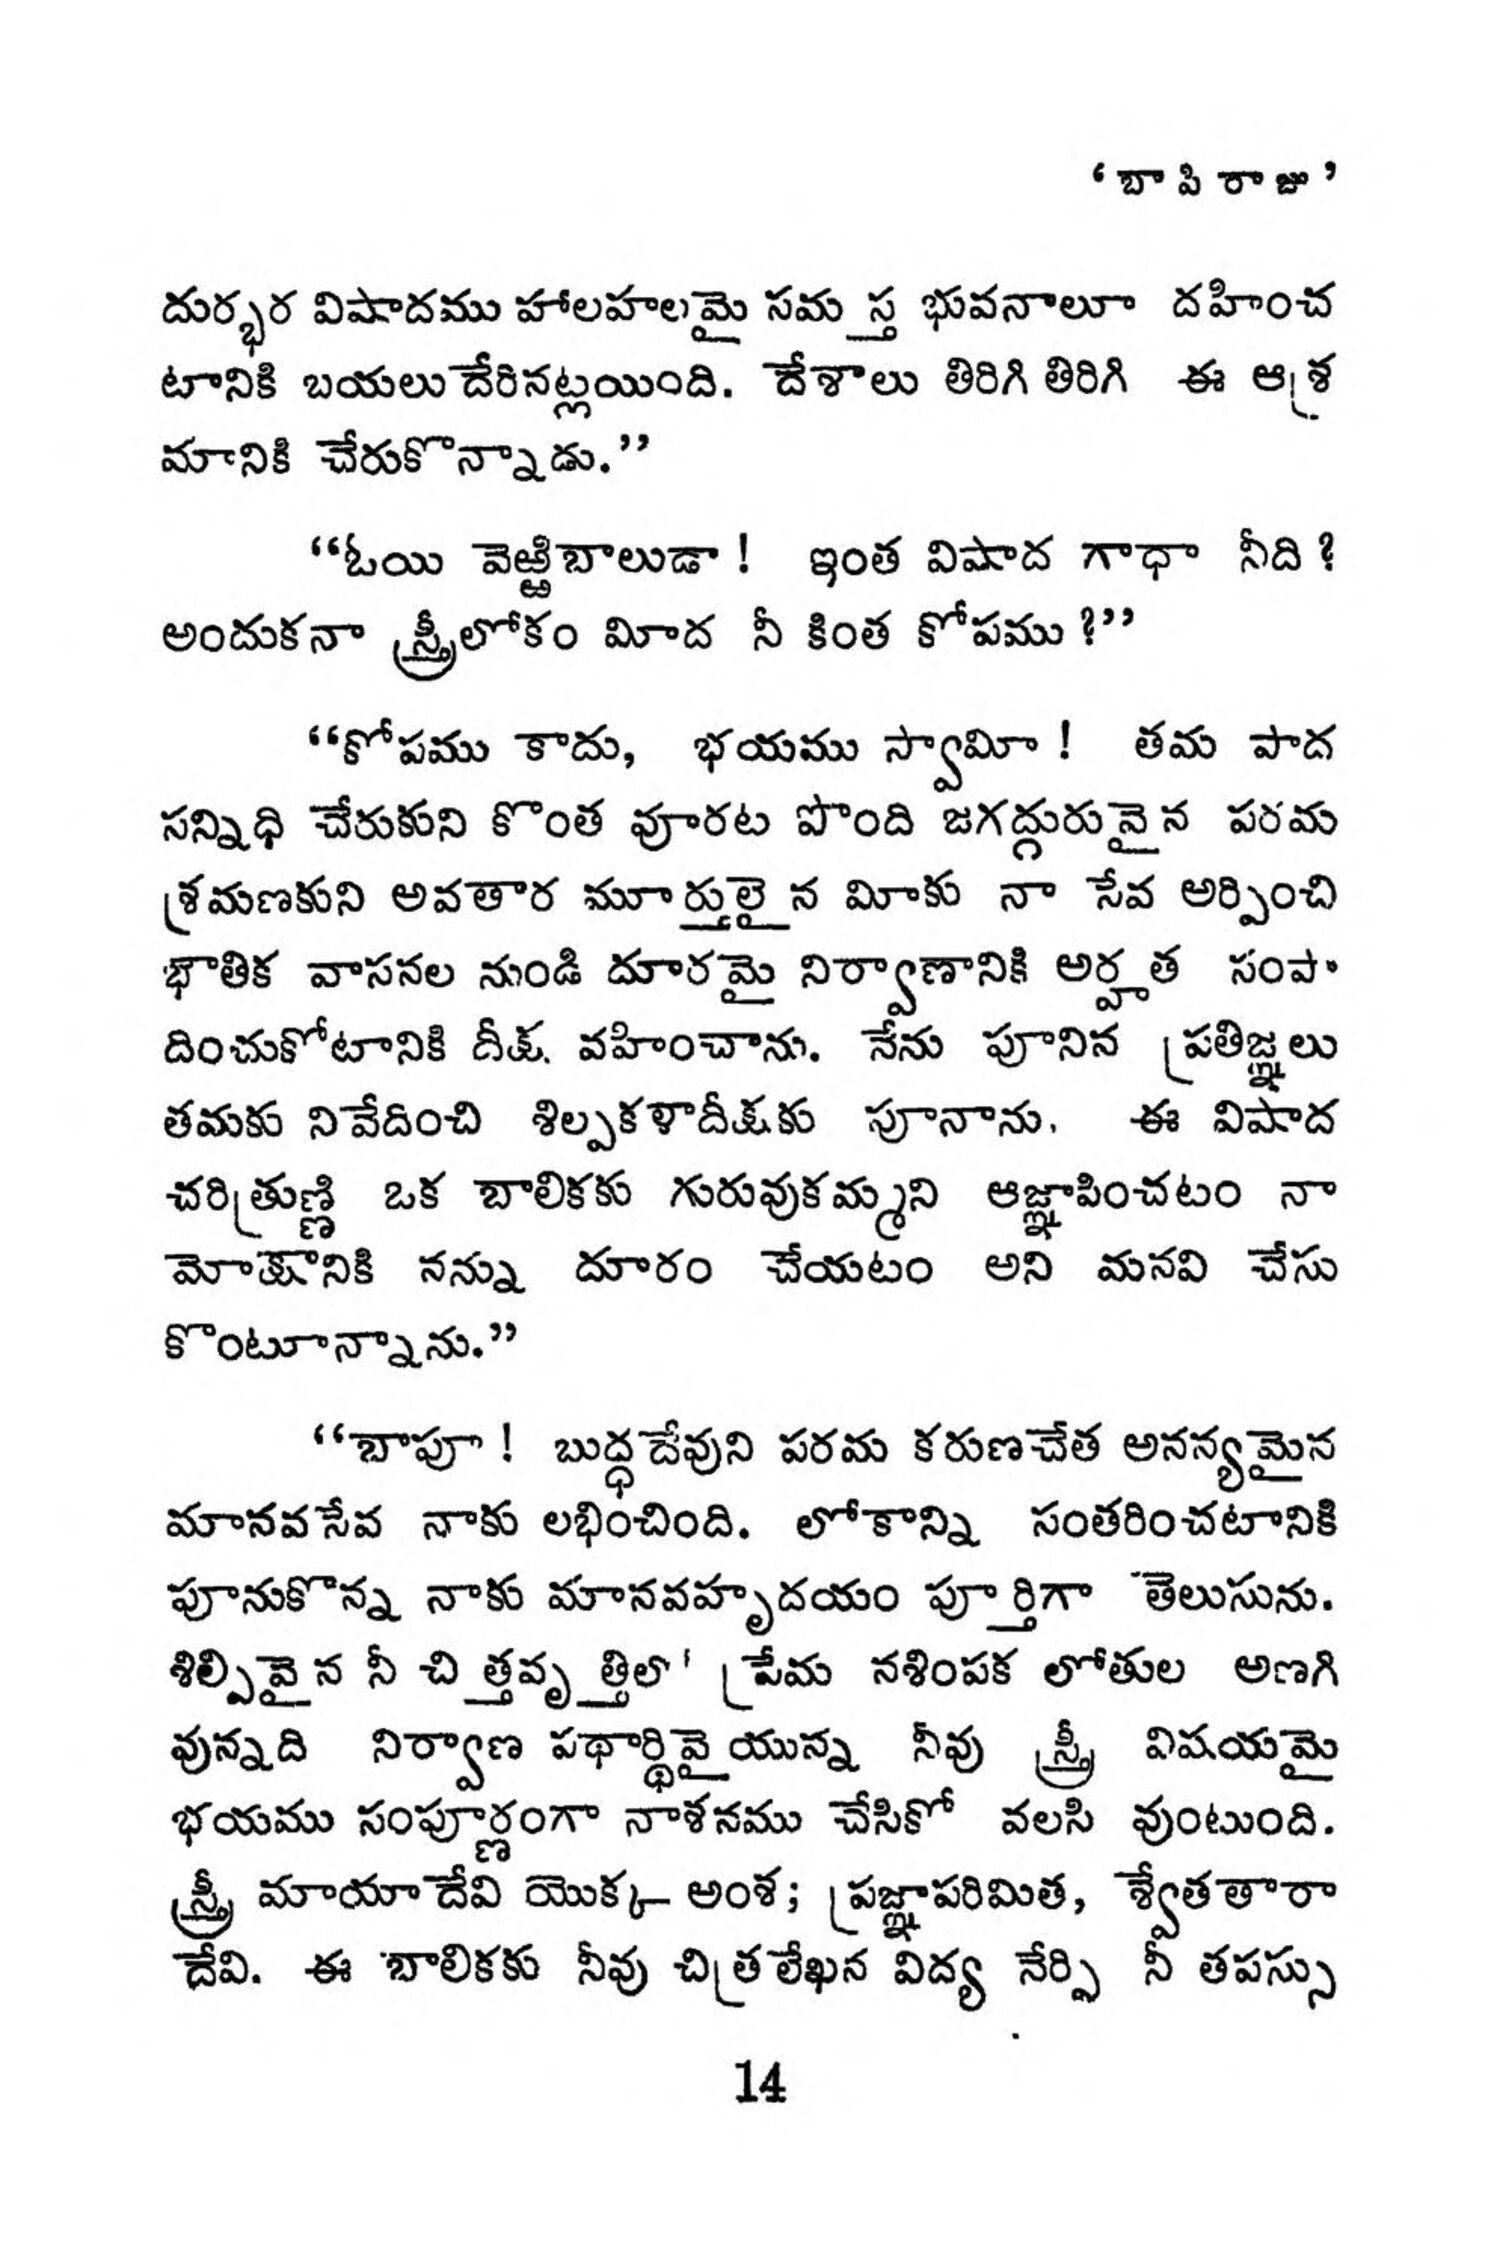దుర్భర విషాదము హాలహలమై సమస్త భువనాలూ దహించటానికి బయలుదేరినట్లయింది. దేశాలు తిరిగి తిరిగి ఈ ఆశ్రమానికి చేరుకొన్నాడు.”

“ఓయి వెఱ్ఱిబాలుడా! ఇంత విషాద గాధా నీది? అందుకనా స్త్రీలోకం మీద నీ కింత కోపము?”

“కోపము కాదు, భయము స్వామీ! తమ పాద సన్నిధి చేరుకుని కొంత వూరట పొంది జగద్గురువైన పరమ శ్రమణకుని అవతార మూర్తులైన మీకు నా సేవ అర్పించి భౌతిక వాసనల నుండి దూరమై నిర్వాణానికి అర్హత సంపాదించుకోటానికి దీక్ష వహించాను. నేను పూనిన ప్రతిజ్ఞలు తమకు నివేదించి శిల్పకళాదీక్షకు పూనాను. ఈ విషాద చరిత్రుణ్ణి ఒక బాలికకు గురువుకమ్మని ఆజ్ఞాపించటం నా మోక్షానికి నన్ను దూరం చేయటం అని మనవి చేసుకొంటూన్నాను.”

“బాపూ! బుద్ధదేవుని పరమ కరుణచేత అనన్యమైన మానవసేవ నాకు లభించింది. లోకాన్ని సంతరించటానికి పూనుకొన్న నాకు మానవహృదయం పూర్తిగా తెలుసును. శిల్పివైన నీ చిత్తవృత్తిలో ప్రేమ నశింపక లోతుల అణగి వున్నది నిర్వాణ పథార్థివై యున్న నీవు స్త్రీ విషయమై భయము సంపూర్ణంగా నాశనము చేసికో వలసి వుంటుంది. స్త్రీ మాయాదేవి యొక్క అంశ; ప్రజ్ఞాపరిమిత, శ్వేతతారాదేవి. ఈ బాలికకు నీవు చిత్రలేఖన విద్య నేర్పి నీ తపస్సు